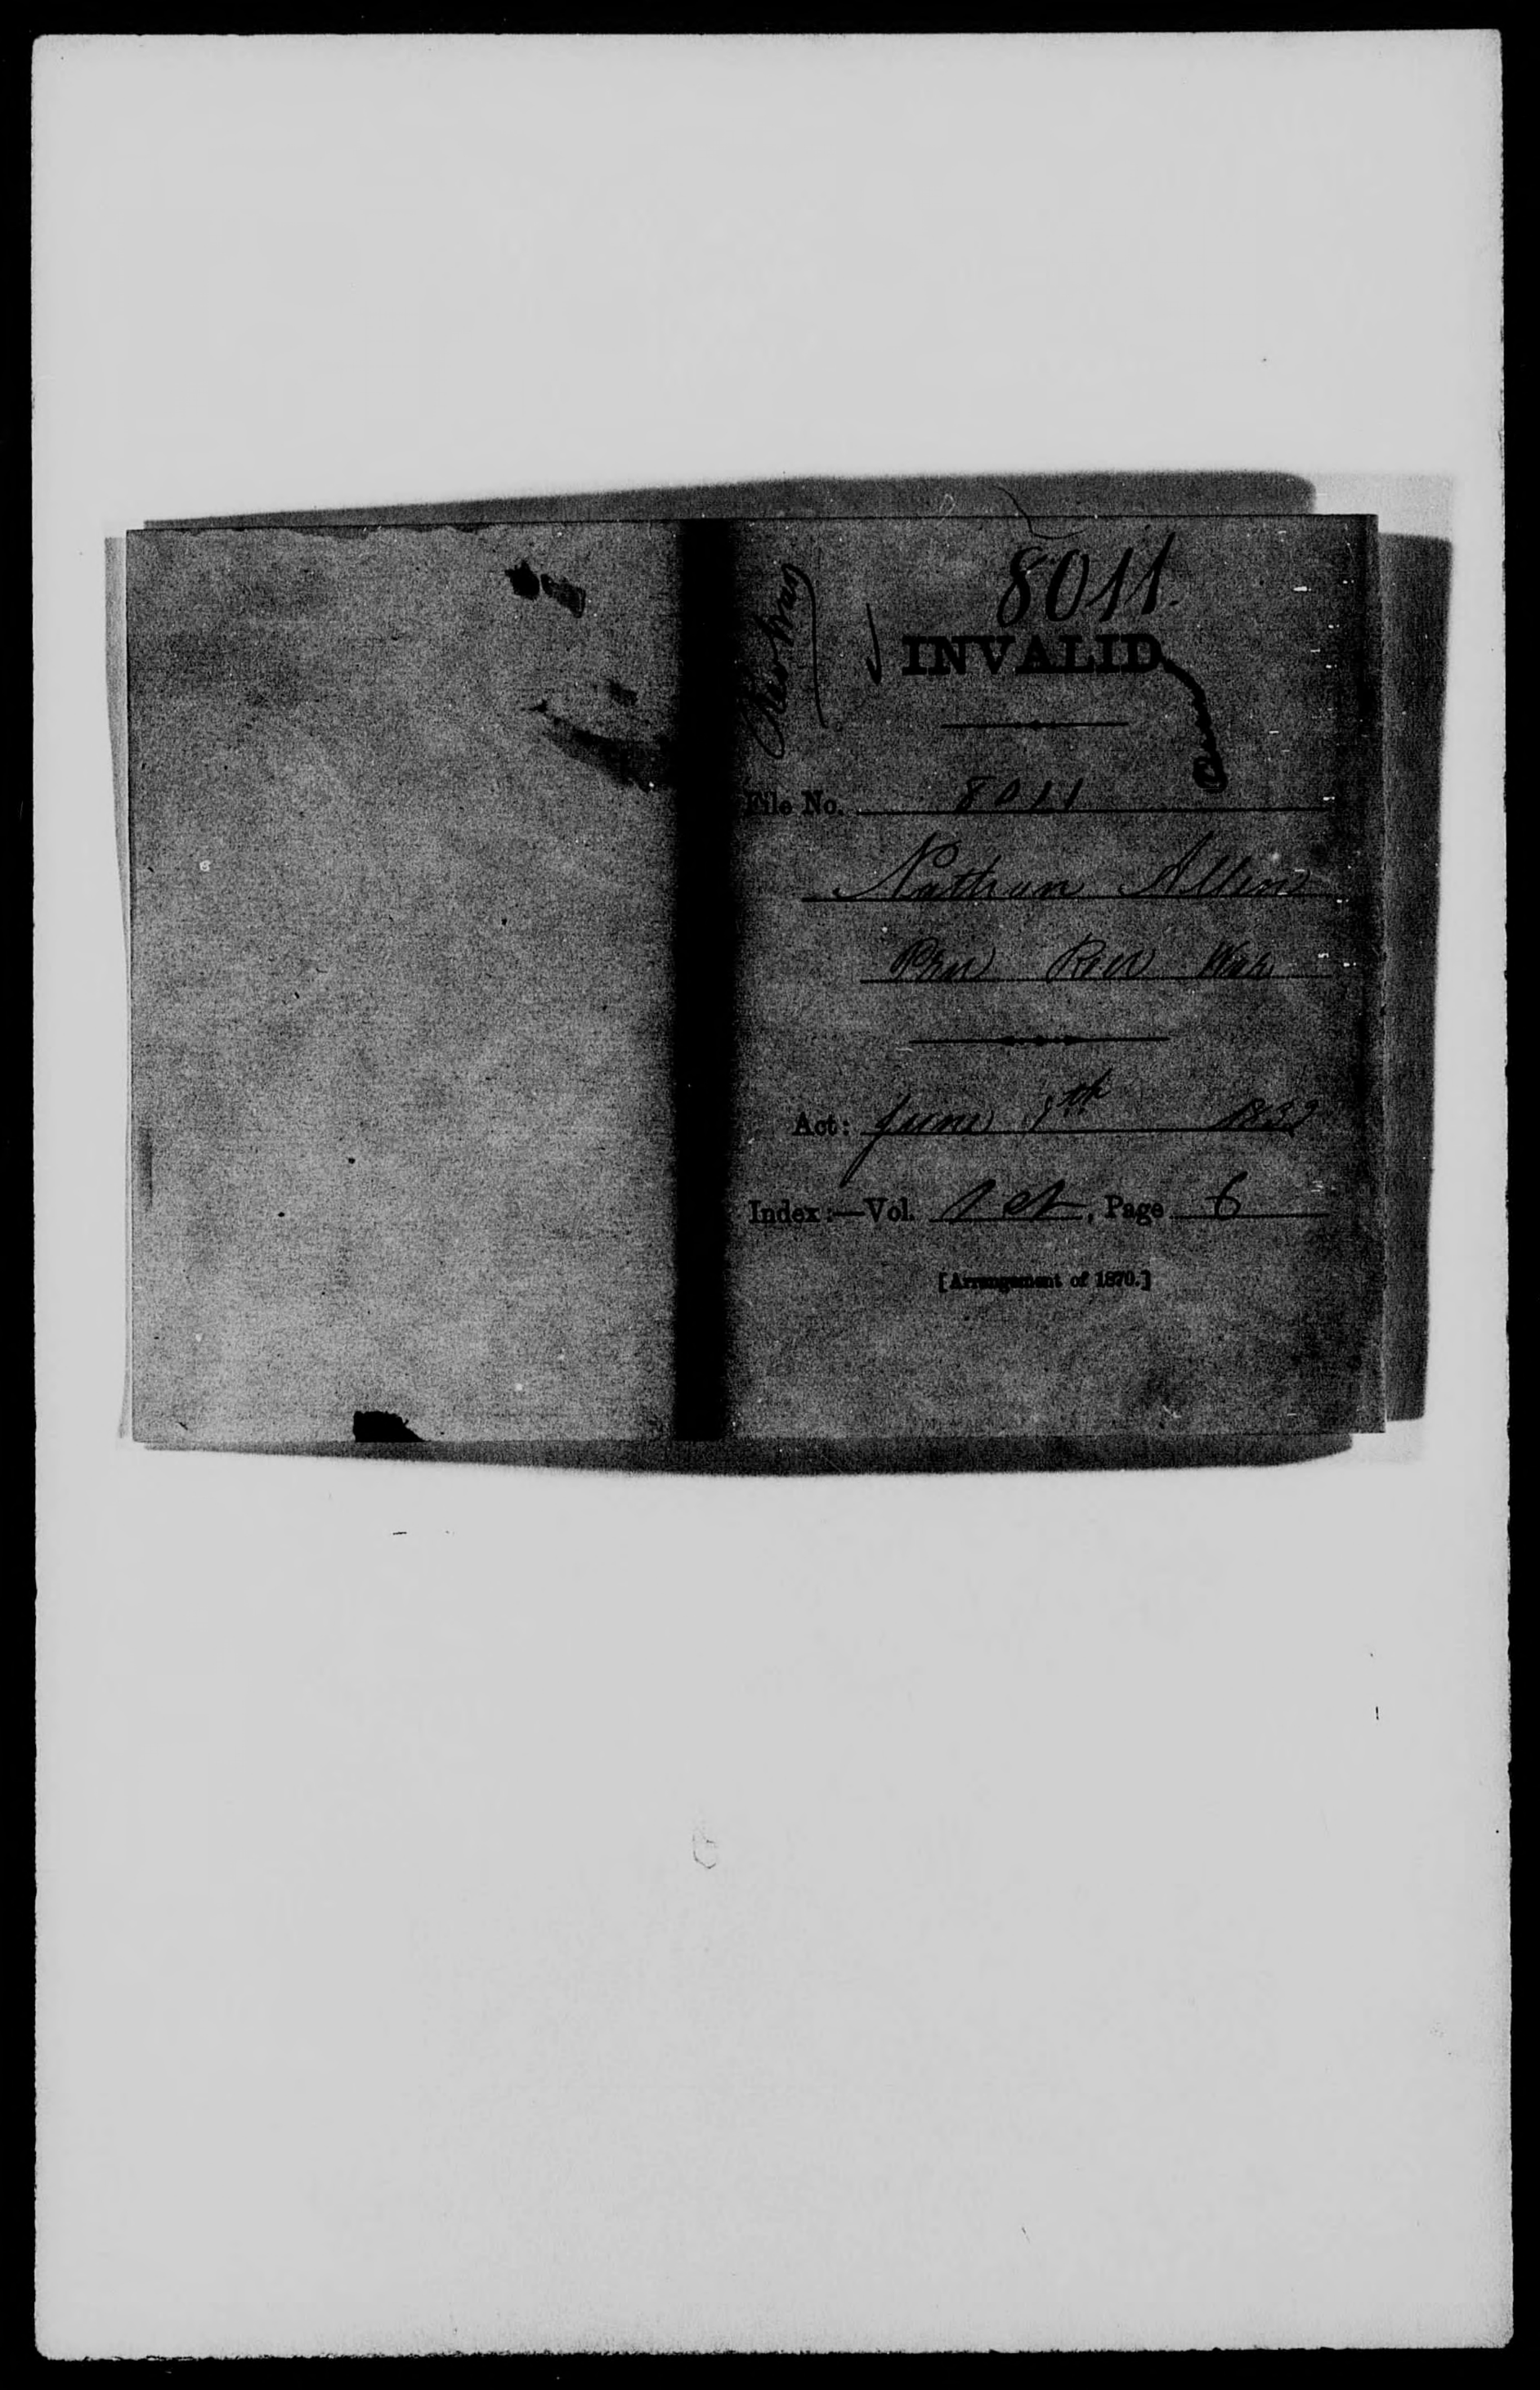8011
Revy INVALID

File NO 8077
Nathan Allen
Pri Rev War

Act June 7th, 1832

Index Vol [illegible] Page 6

[Arrangement of 1870.]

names: Nathon Allen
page: 7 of 14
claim: survivor's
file: S. 8,011, Nathan Allen, Md. And Sea Service